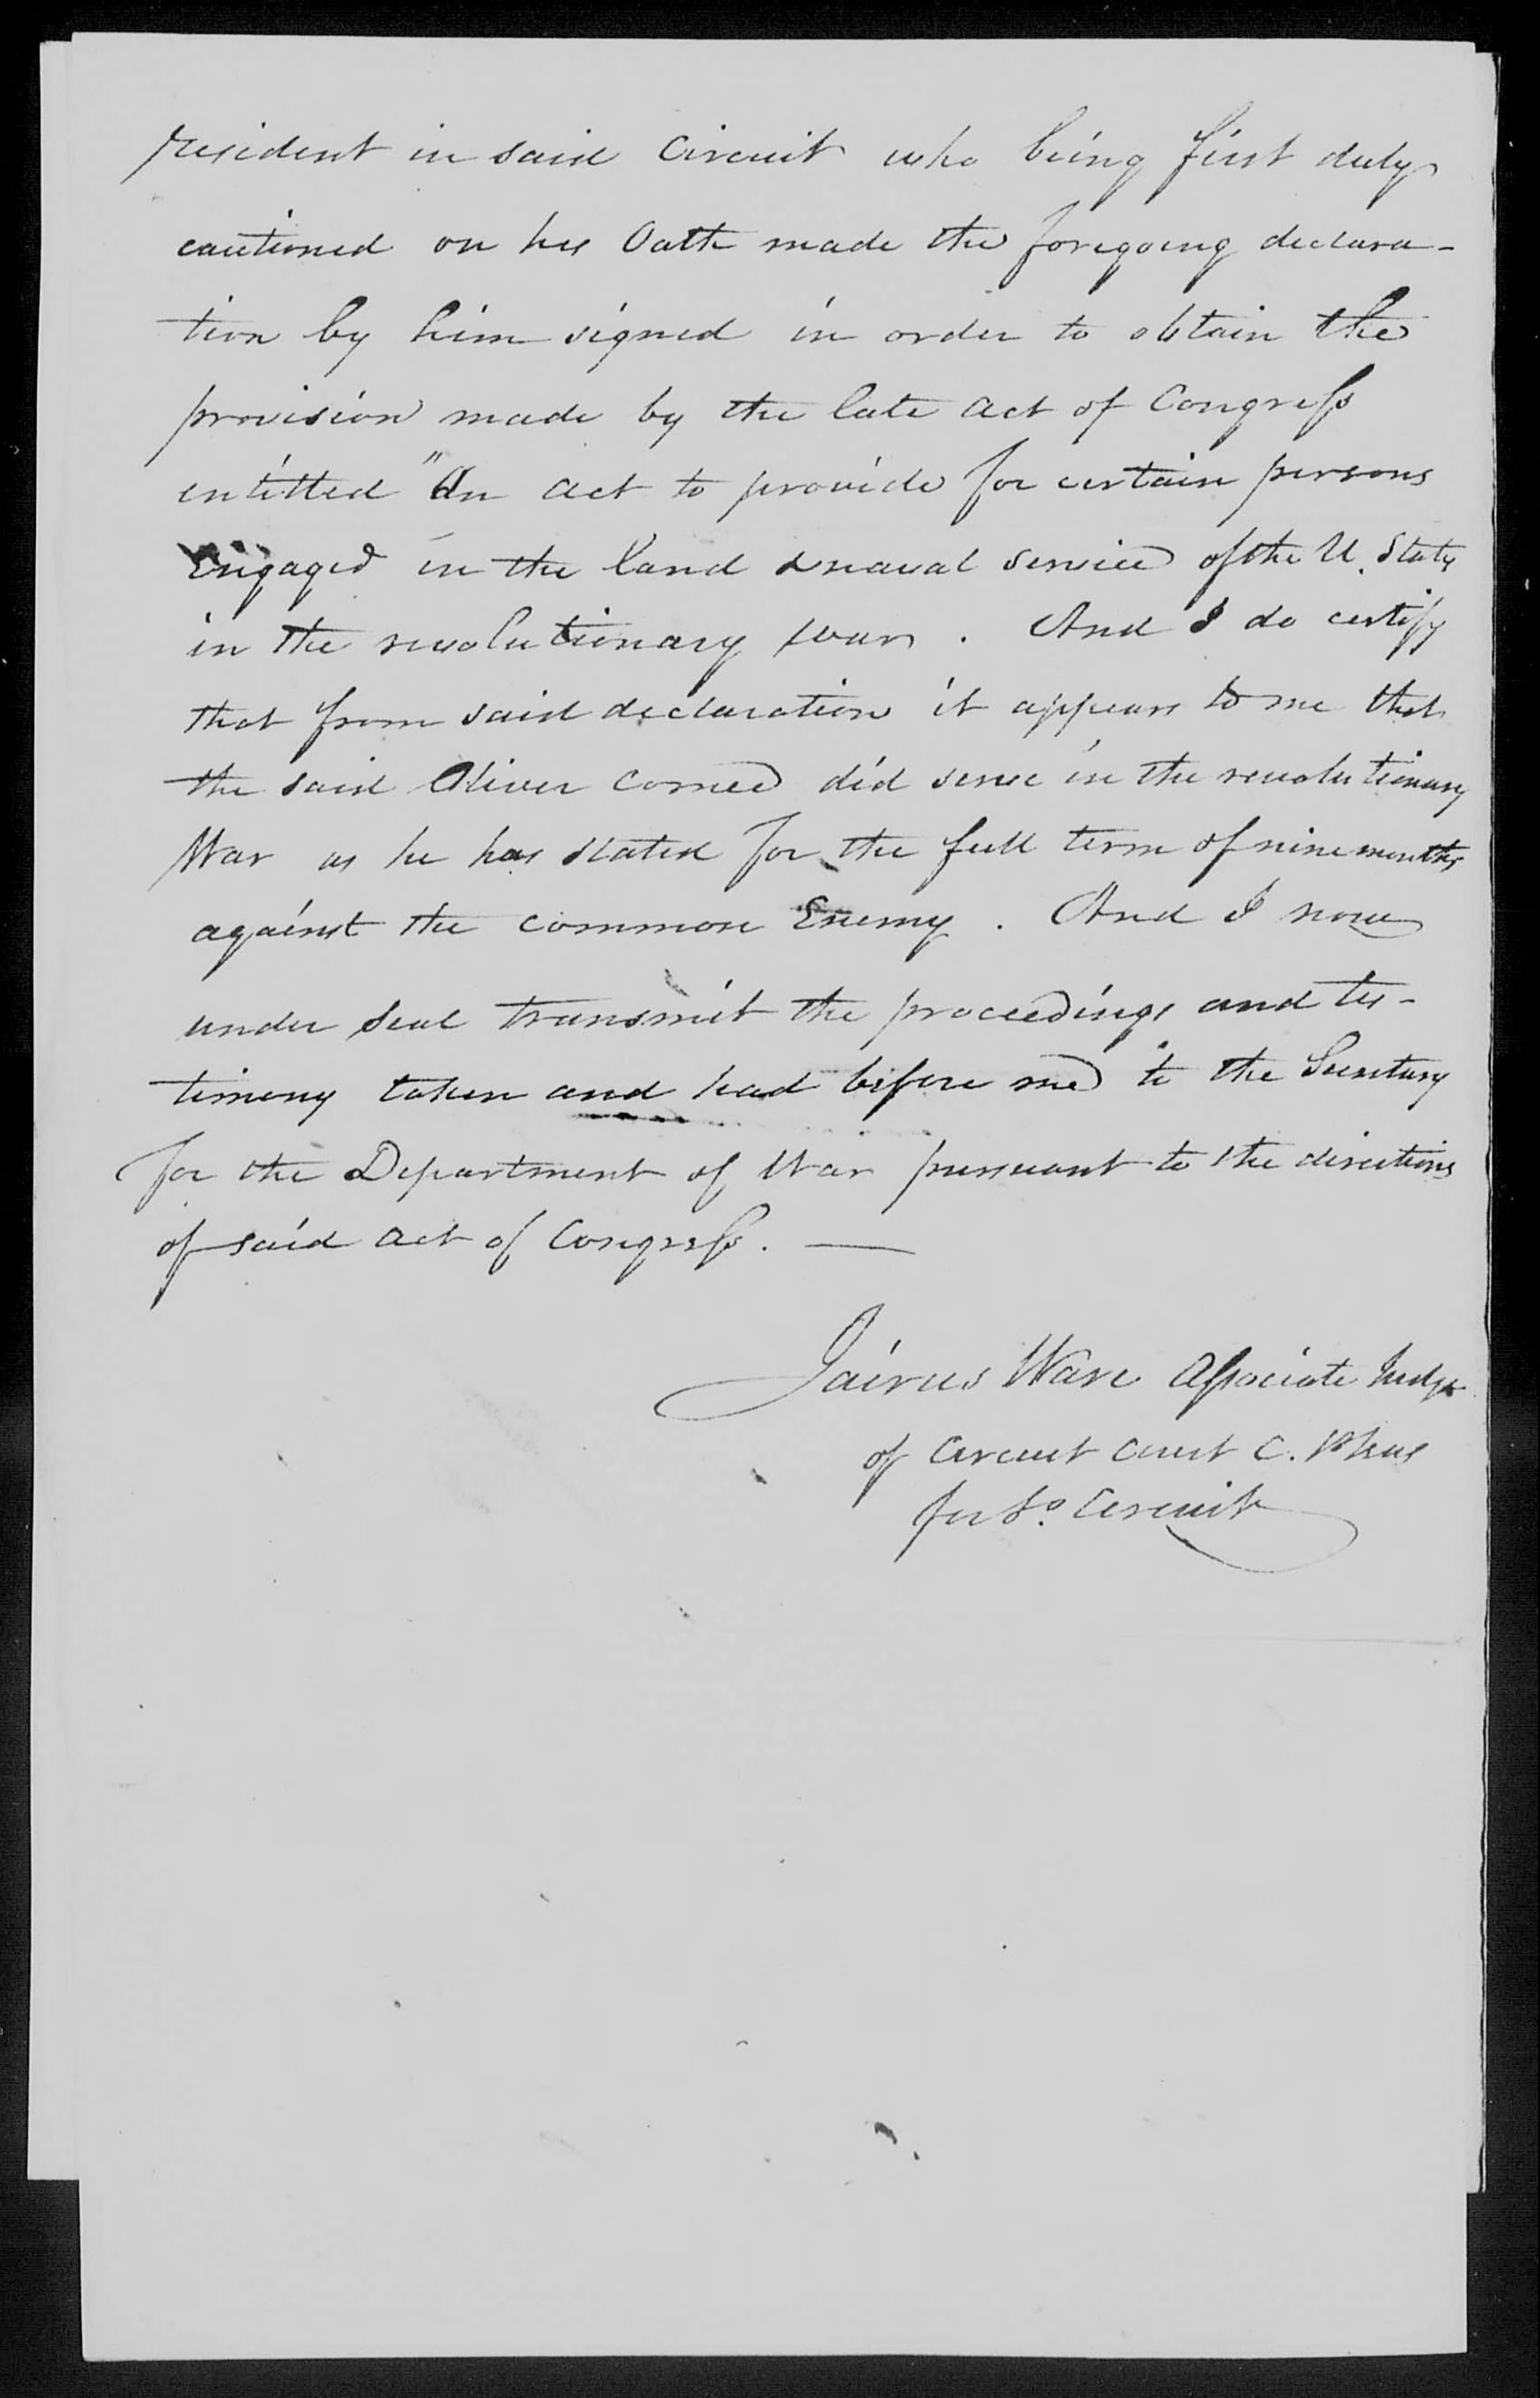resident in said circuit who being first duly cautioned on his oath made the foregoing declaration by him signed in order to obtain the provision made by the late Act of Congress entitled "An Act to provide for certain persons engaged in the land & naval service of the U. States in the revolutionary war. And I do certify that from said declaration it appears to me that the said Oliver Comee did serve in the revolutionary War as he has stated for the full term of nine months against the common Enemy. And I now under seal transmit the proceedings and testimony taken before me to the Secretary for the Department of War pursuant to the directions of said act of Congress. —-
Jairus Ware associate Judge 
of Circuit Court C. Pleas
For So. Circuit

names: Jairus Ware, Oliver Comee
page: 30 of 45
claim: widow's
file: W. 14,567, Oliver Comee, Mass.